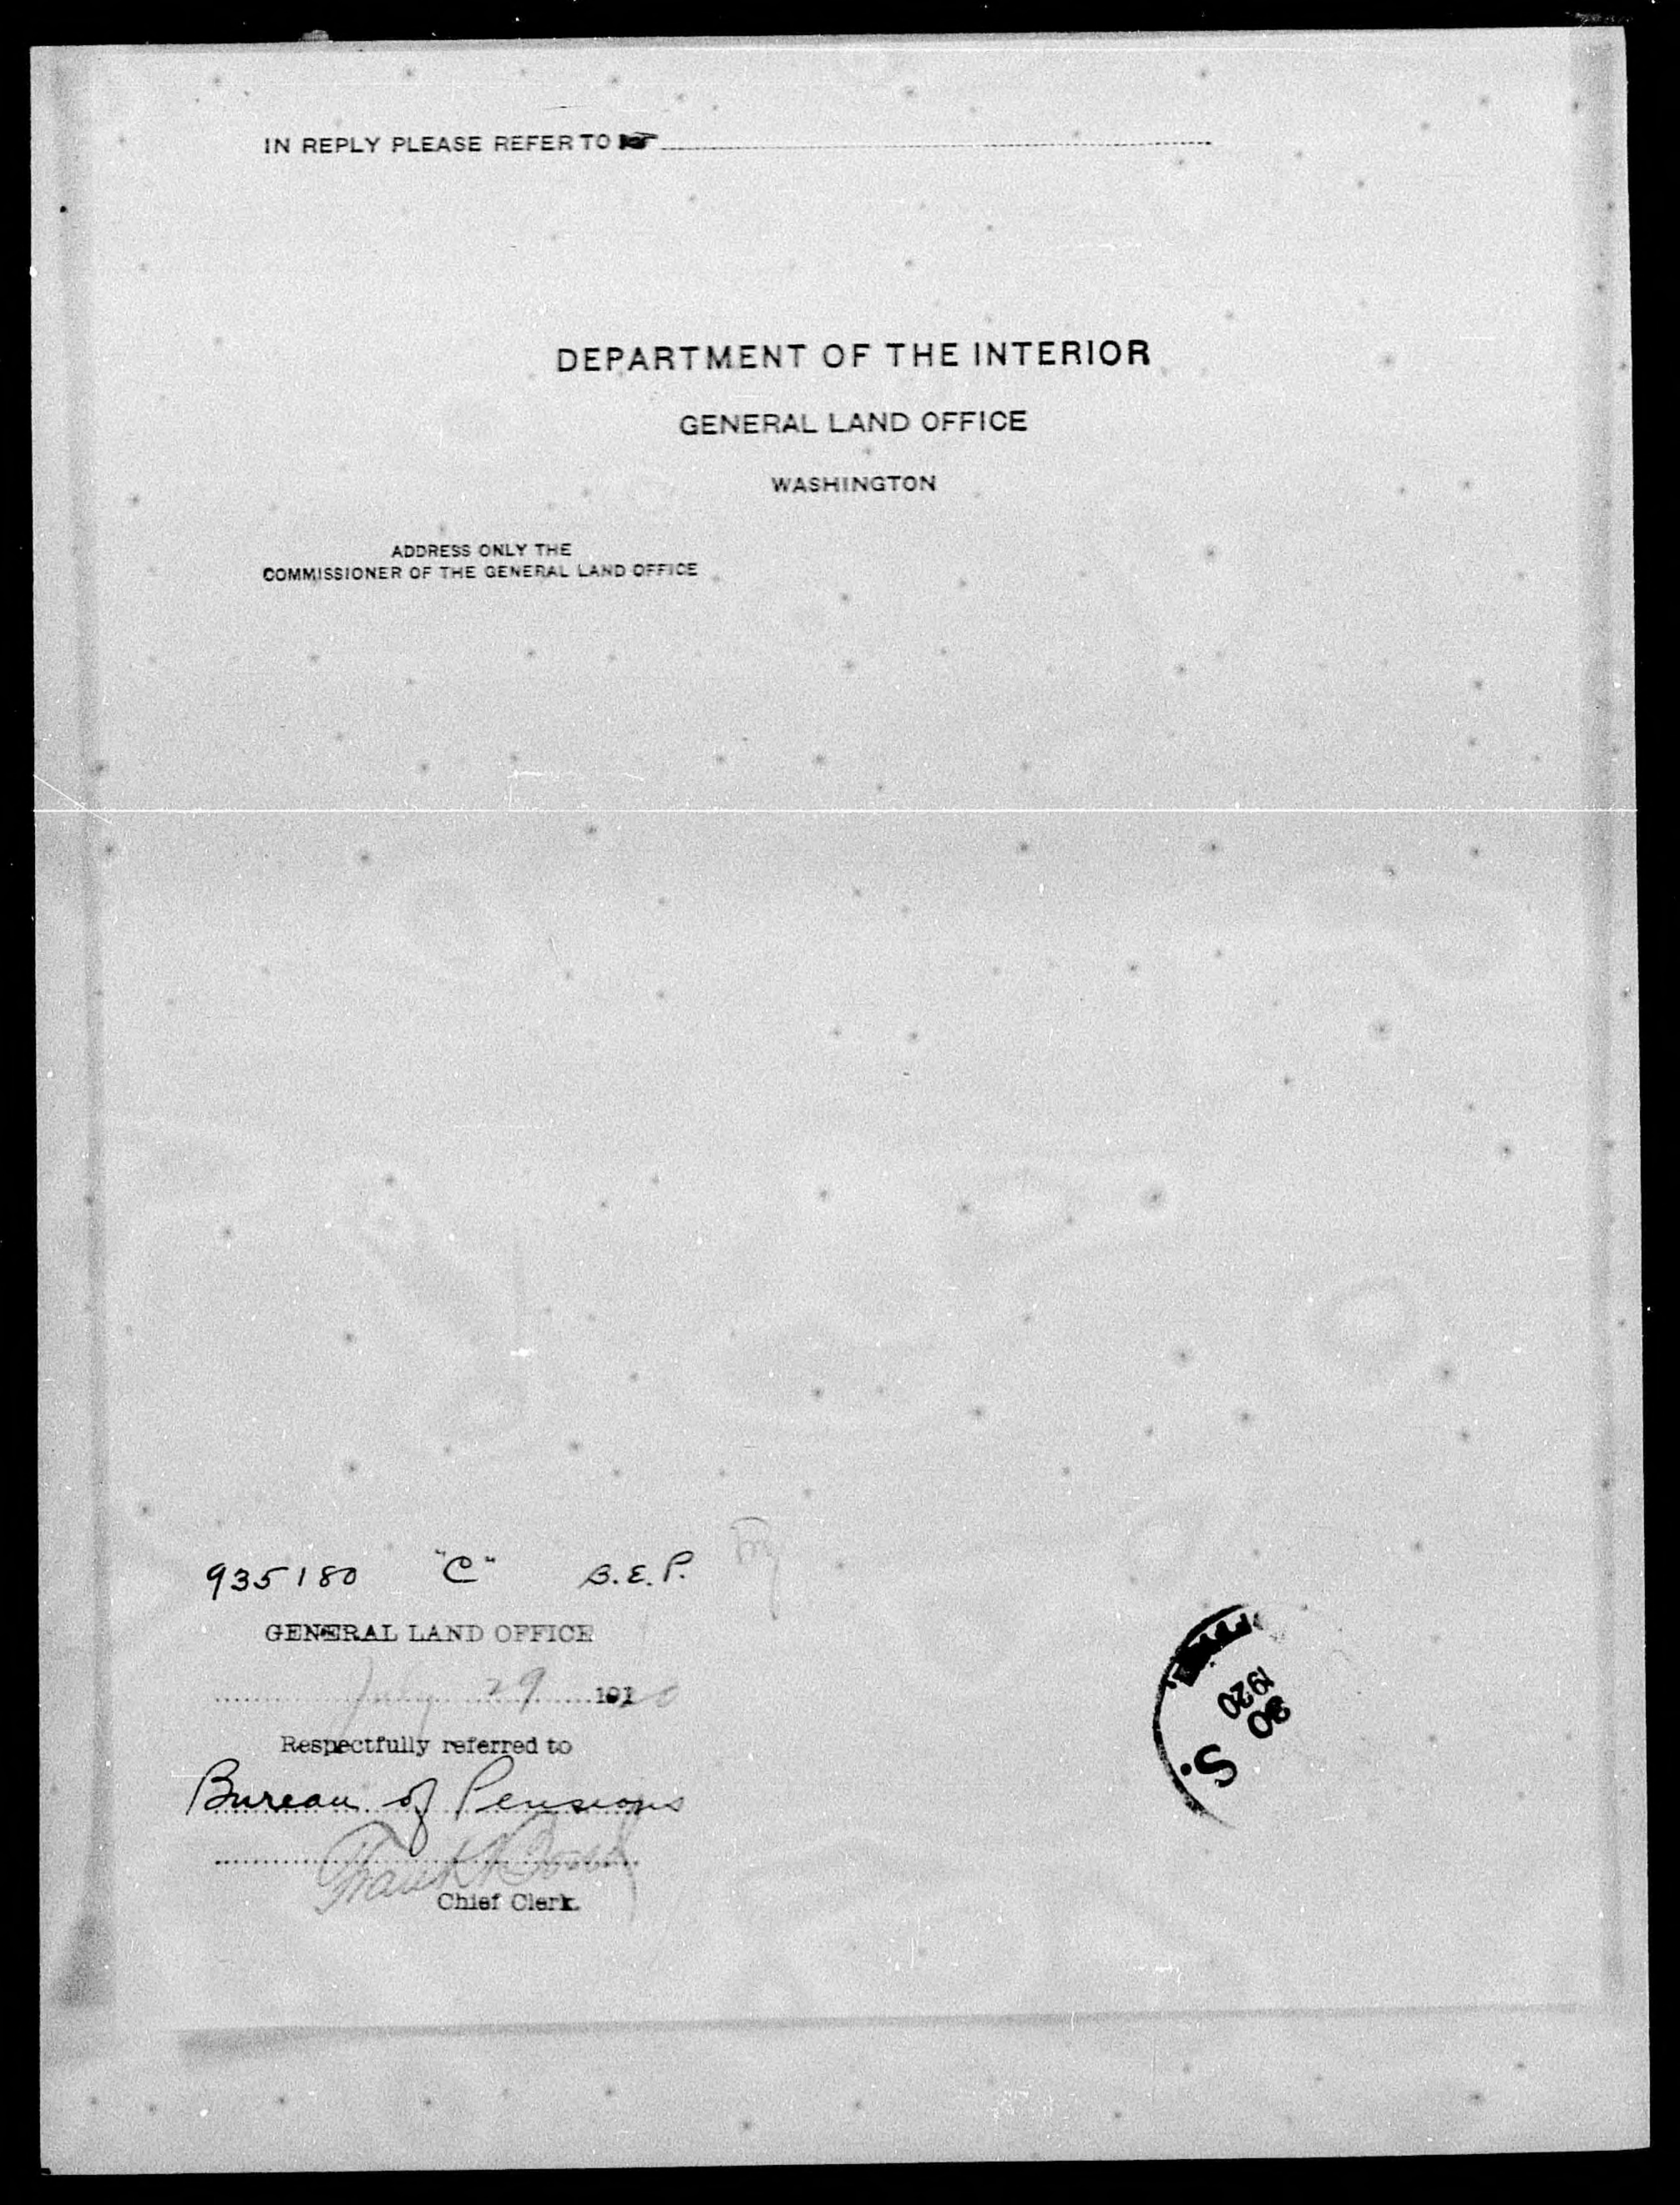IN REPLY PLEASE REFER TO _____

DEPARTMENT OF THE INTERIOR
GENERAL LAND OFFICE
WASHINGTON

ADDRESS ONLY THE
COMMISSIONER OF THE GENERAL LAND OFFICE

935180 "C" B.E.P.
GENERAL LAND OFFICE
July 29 1920
Respectfully referred to
Bureau of Pensions
[signed] Frank Bond
Chief Clerk.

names: Frank Bond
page: 42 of 47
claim: survivor's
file: S. 30578, for John Mc Dowell, Virginia